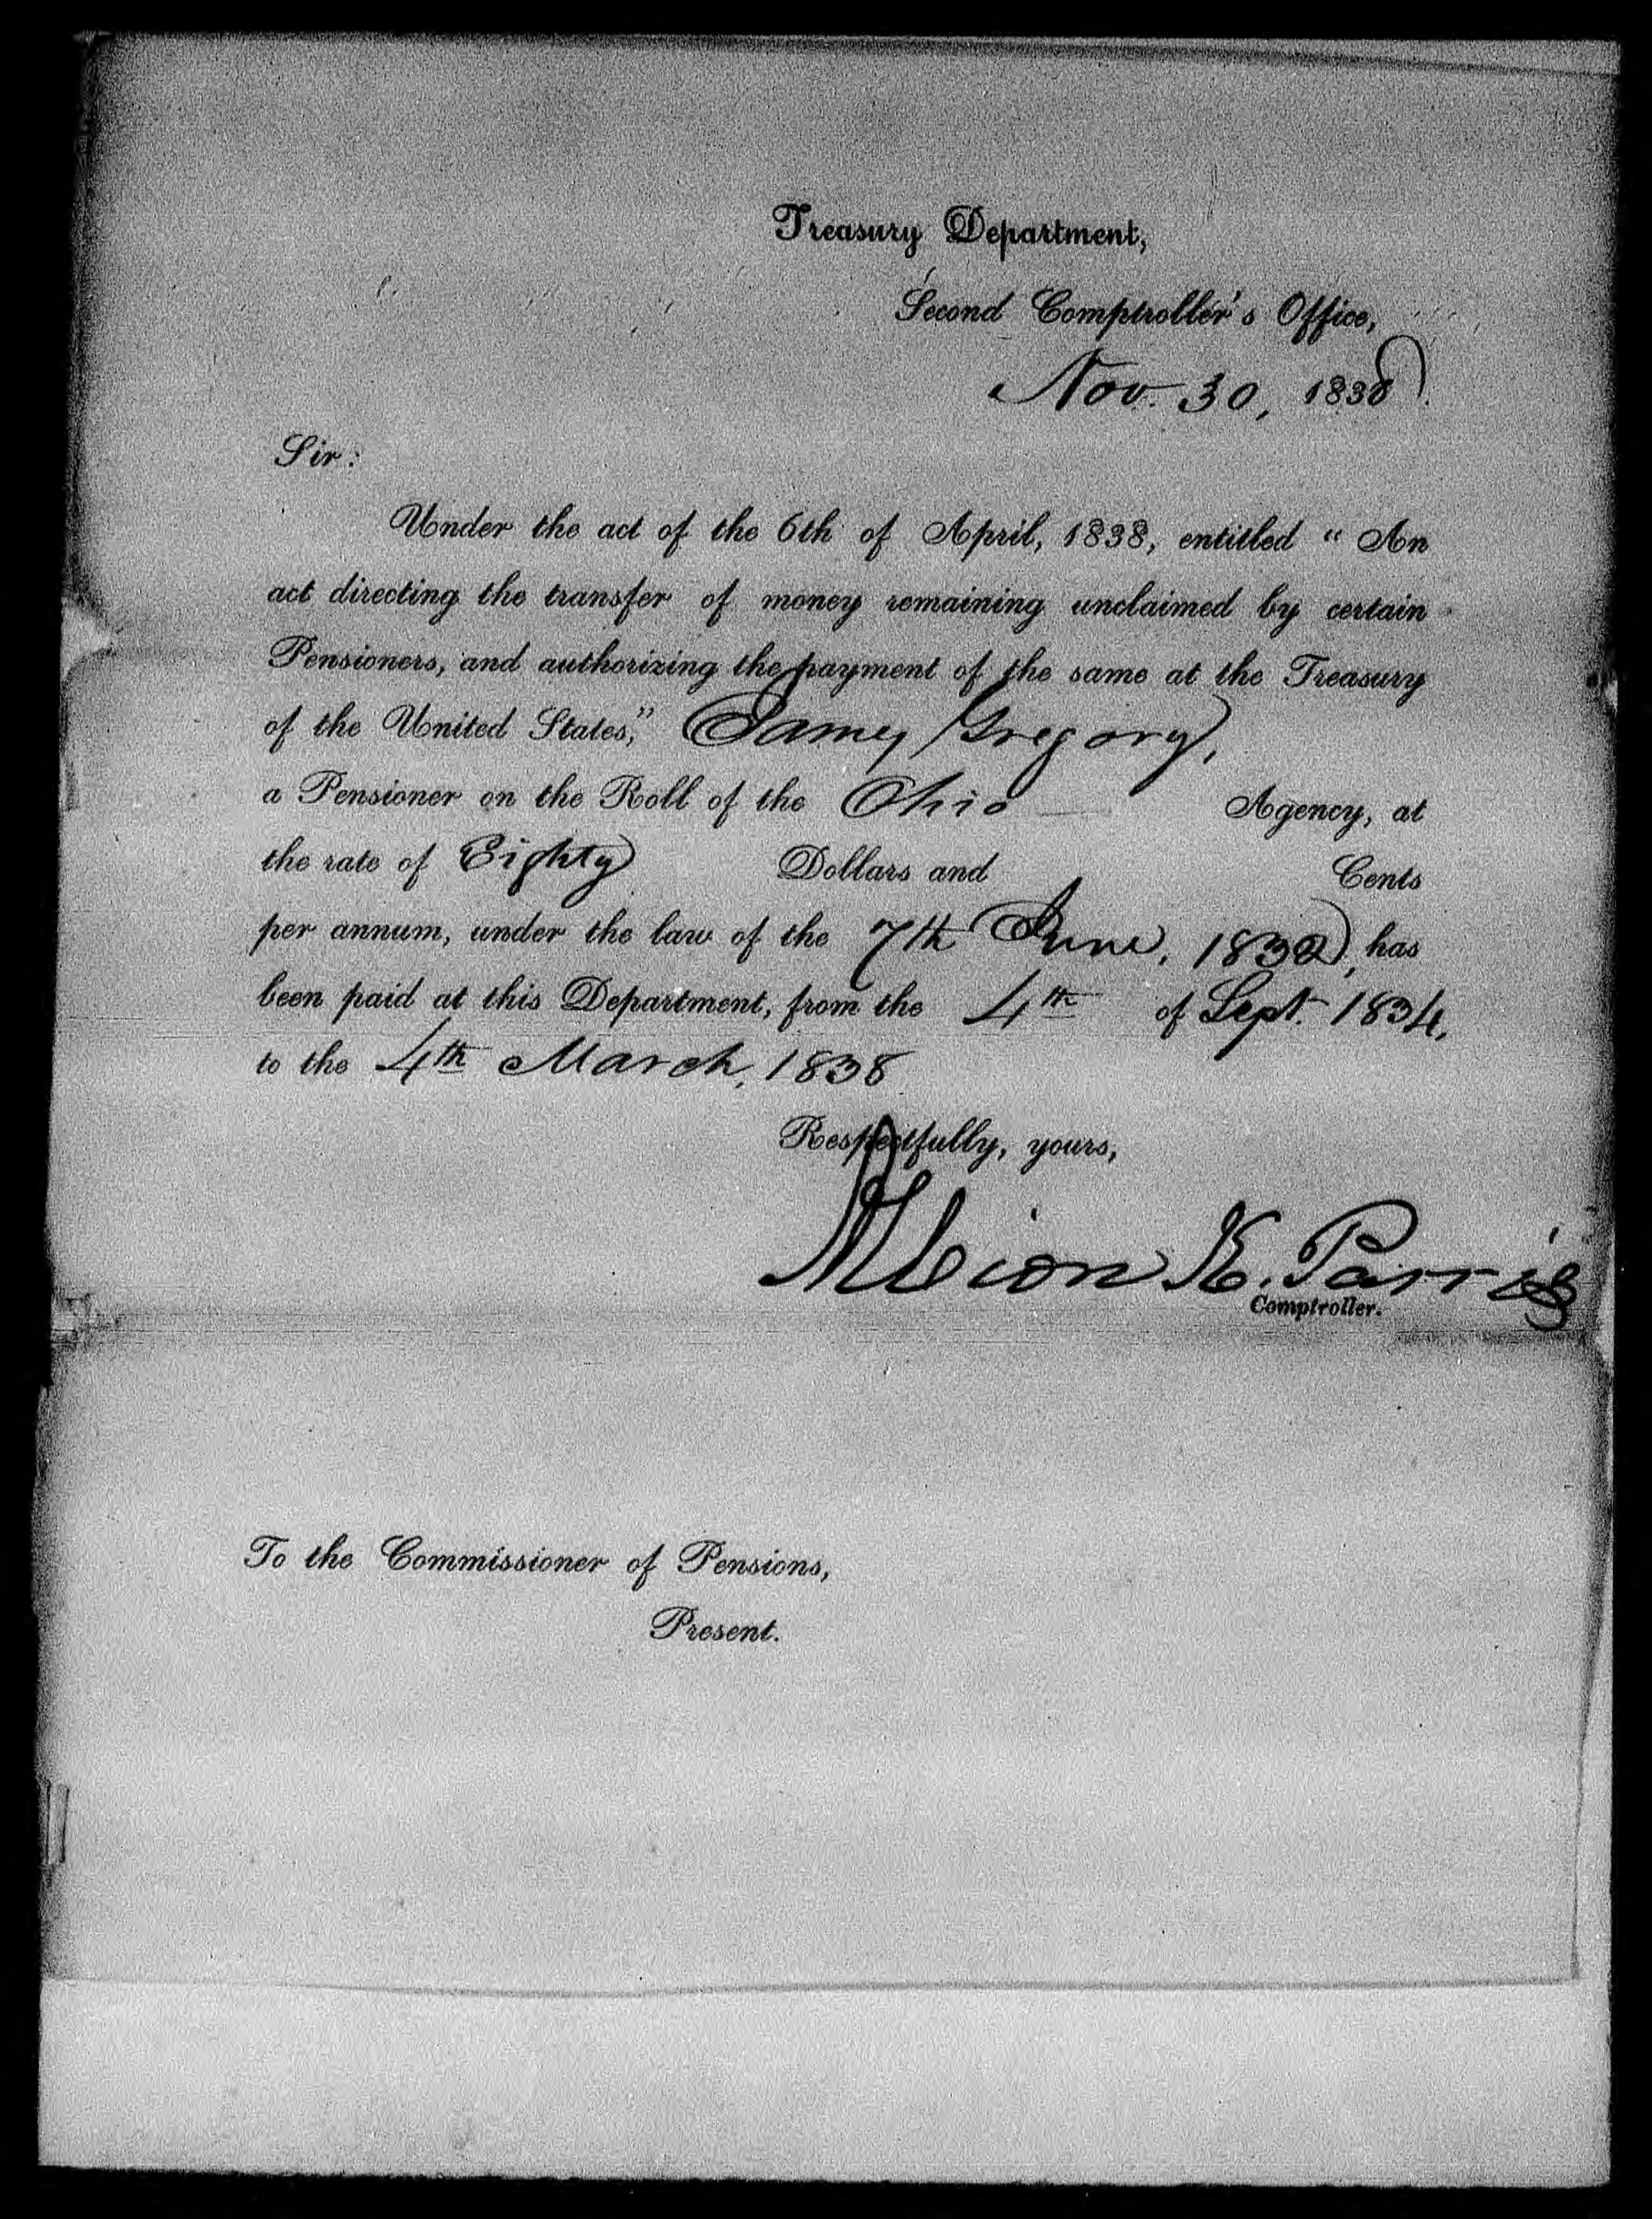Treasury Department,
Second Comptroller's Office,
Nov. 30, 1838

Sir:

Under the act of the 6th of April, 1838, entitled "An act directing the transfer of money remaining unclaimed by certain Pensioners, and authorizing the payment of the same at the Treasury of the United States," James Gregory, a Pensioner on the Roll of the Ohio Agency, at the rate of eighty Dollars and        Cents per annum, under the law of the 7th June, 1832, has been paid at this Department, from the 4th of Sept. 1834, to the 4th March, 1838.

Respectfully yours,

Albion K Parris
Comptroller


To the Commissioner of Pensions,
Present.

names: James Gregory, Albion K Parris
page: 16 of 27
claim: survivor's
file: S. 17445, James Gregory, Conn.